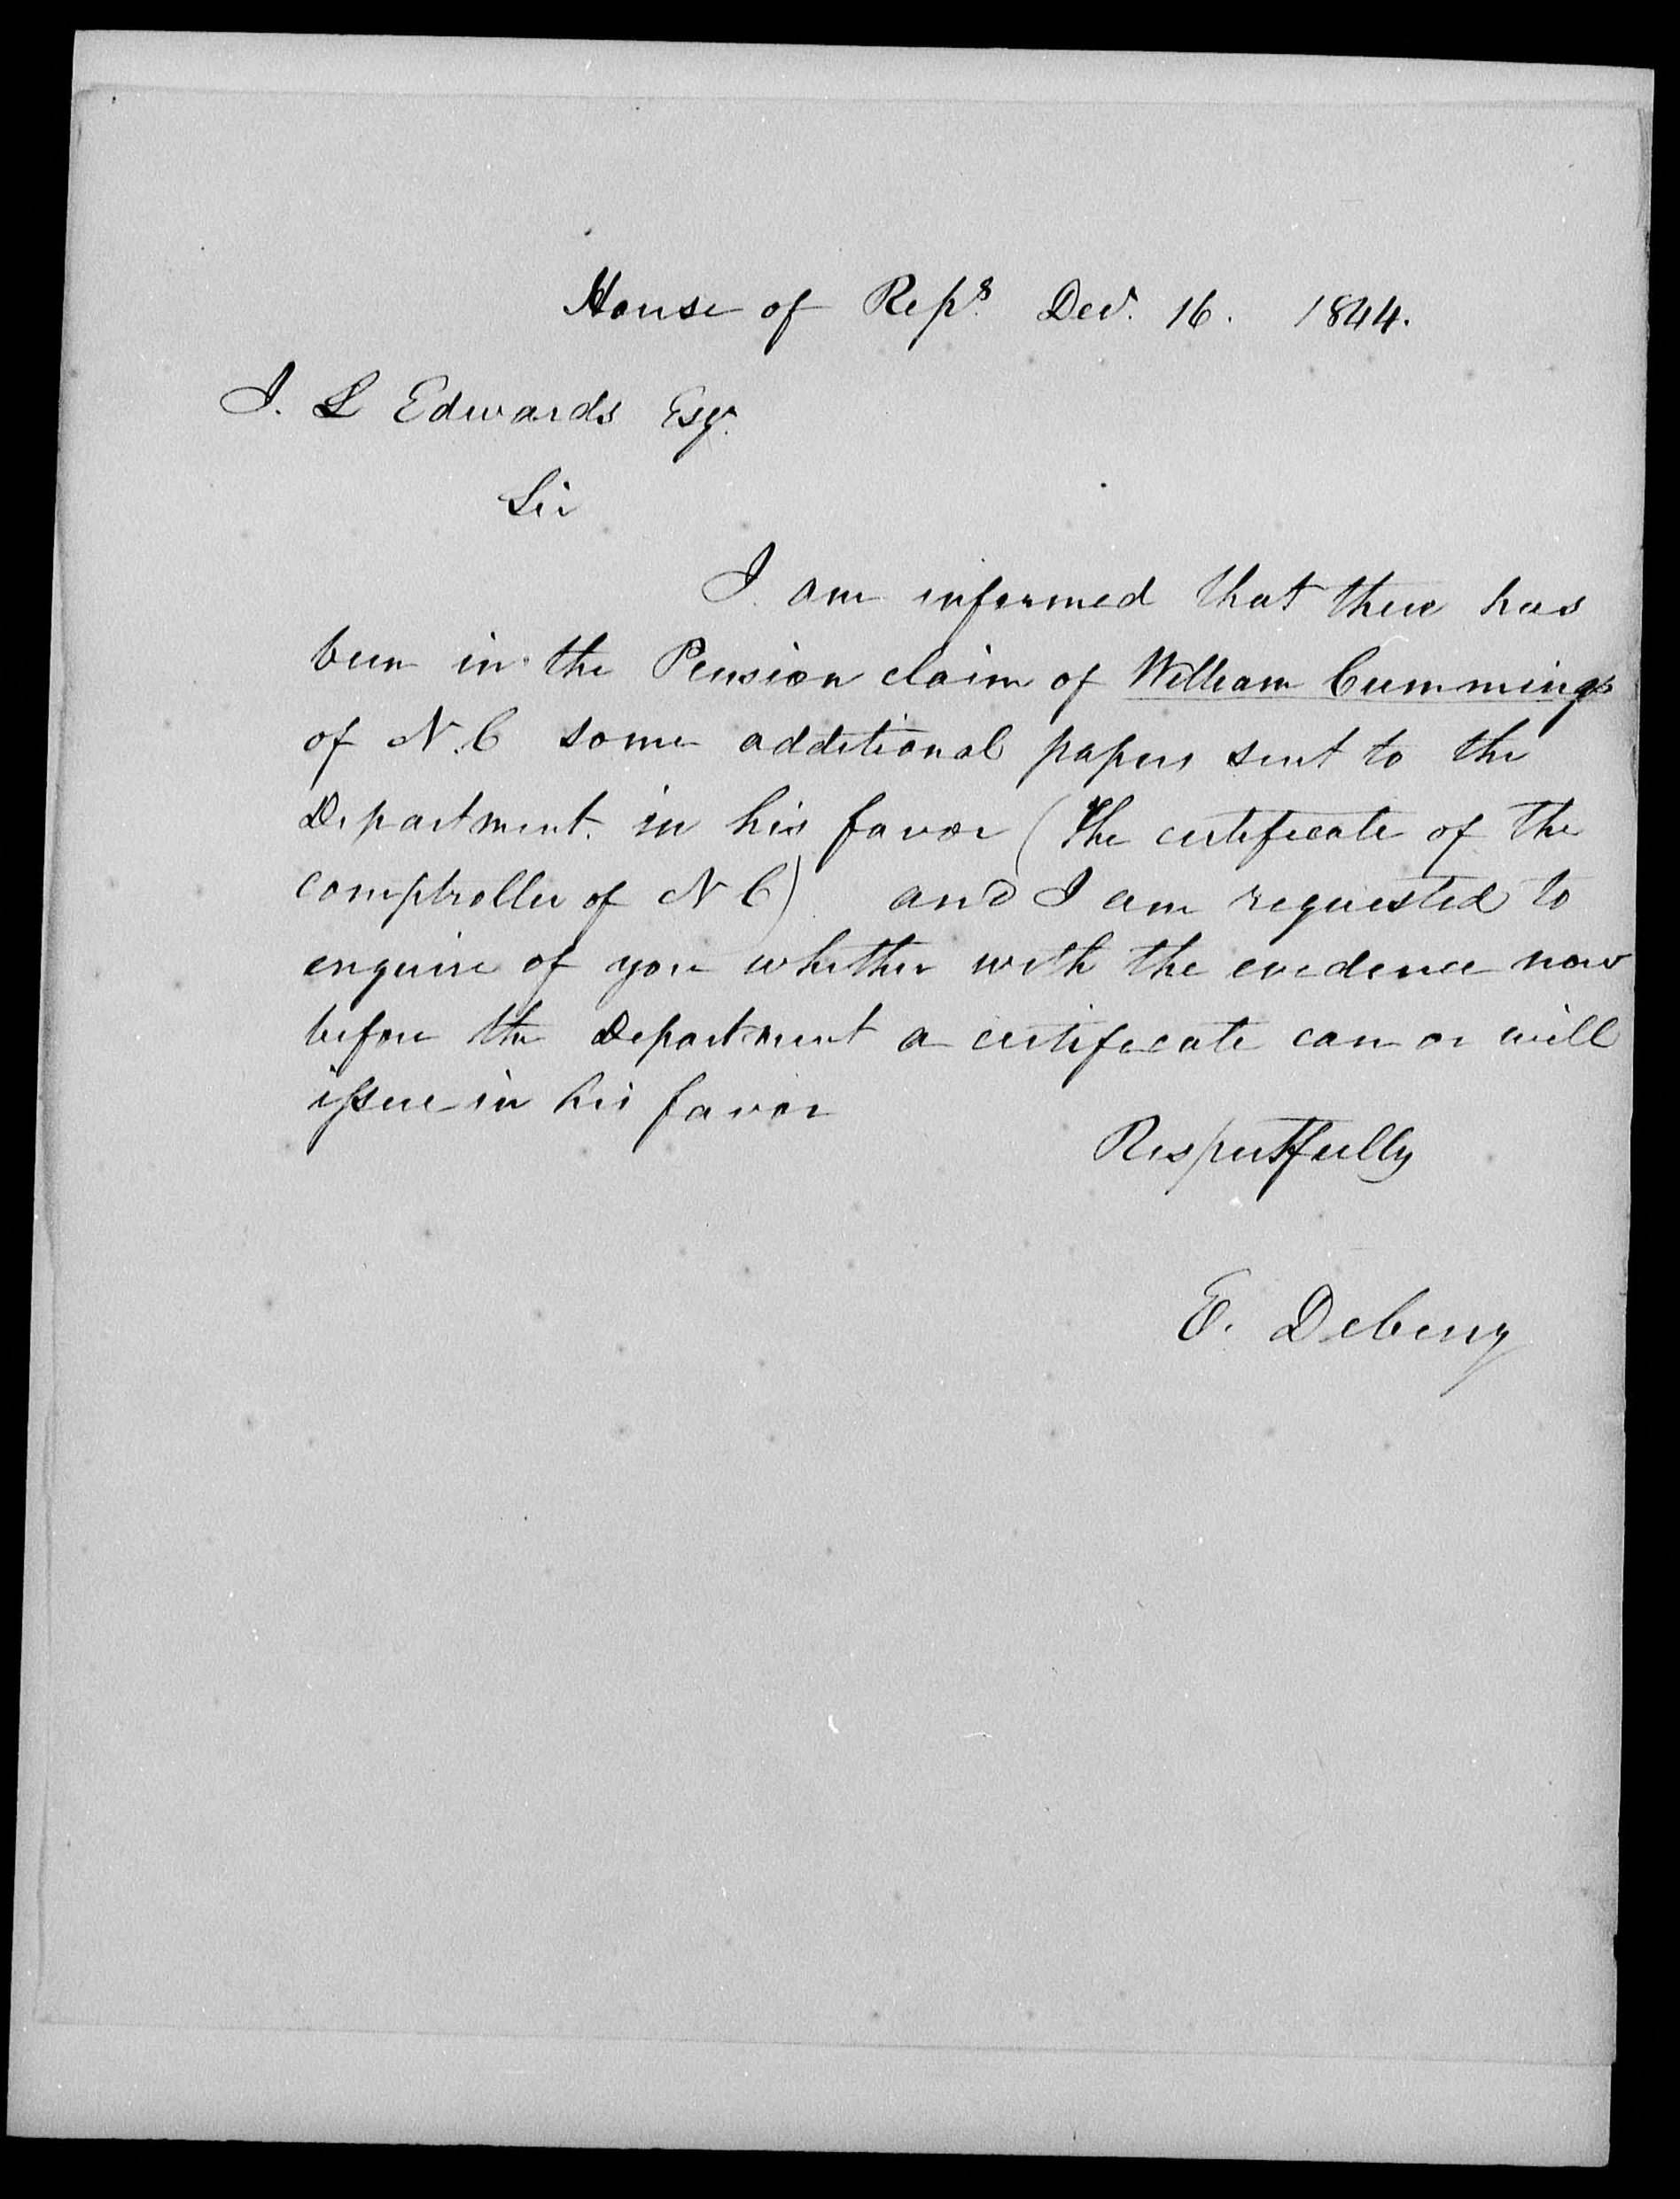[Handwritten letter]

House of Reps. Decr. 16. 1844.

J. L Edwards Esqr.

Sir

I am informed that there has been in the Pension claim of [here the following name was underlined] William Cummings of N.C some additional papers sent to the Department. in his favor (The certificate of the comptroller of NC) and I am requested to enquire of you whether with the evidence now before the Department a certificate can or will issue_ in his favor

Respectfully

E. Deberry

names: J L Edwards, E Deberry, William Cummings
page: 24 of 145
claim: survivor's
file: S. 8265, William Cumming, N.C.